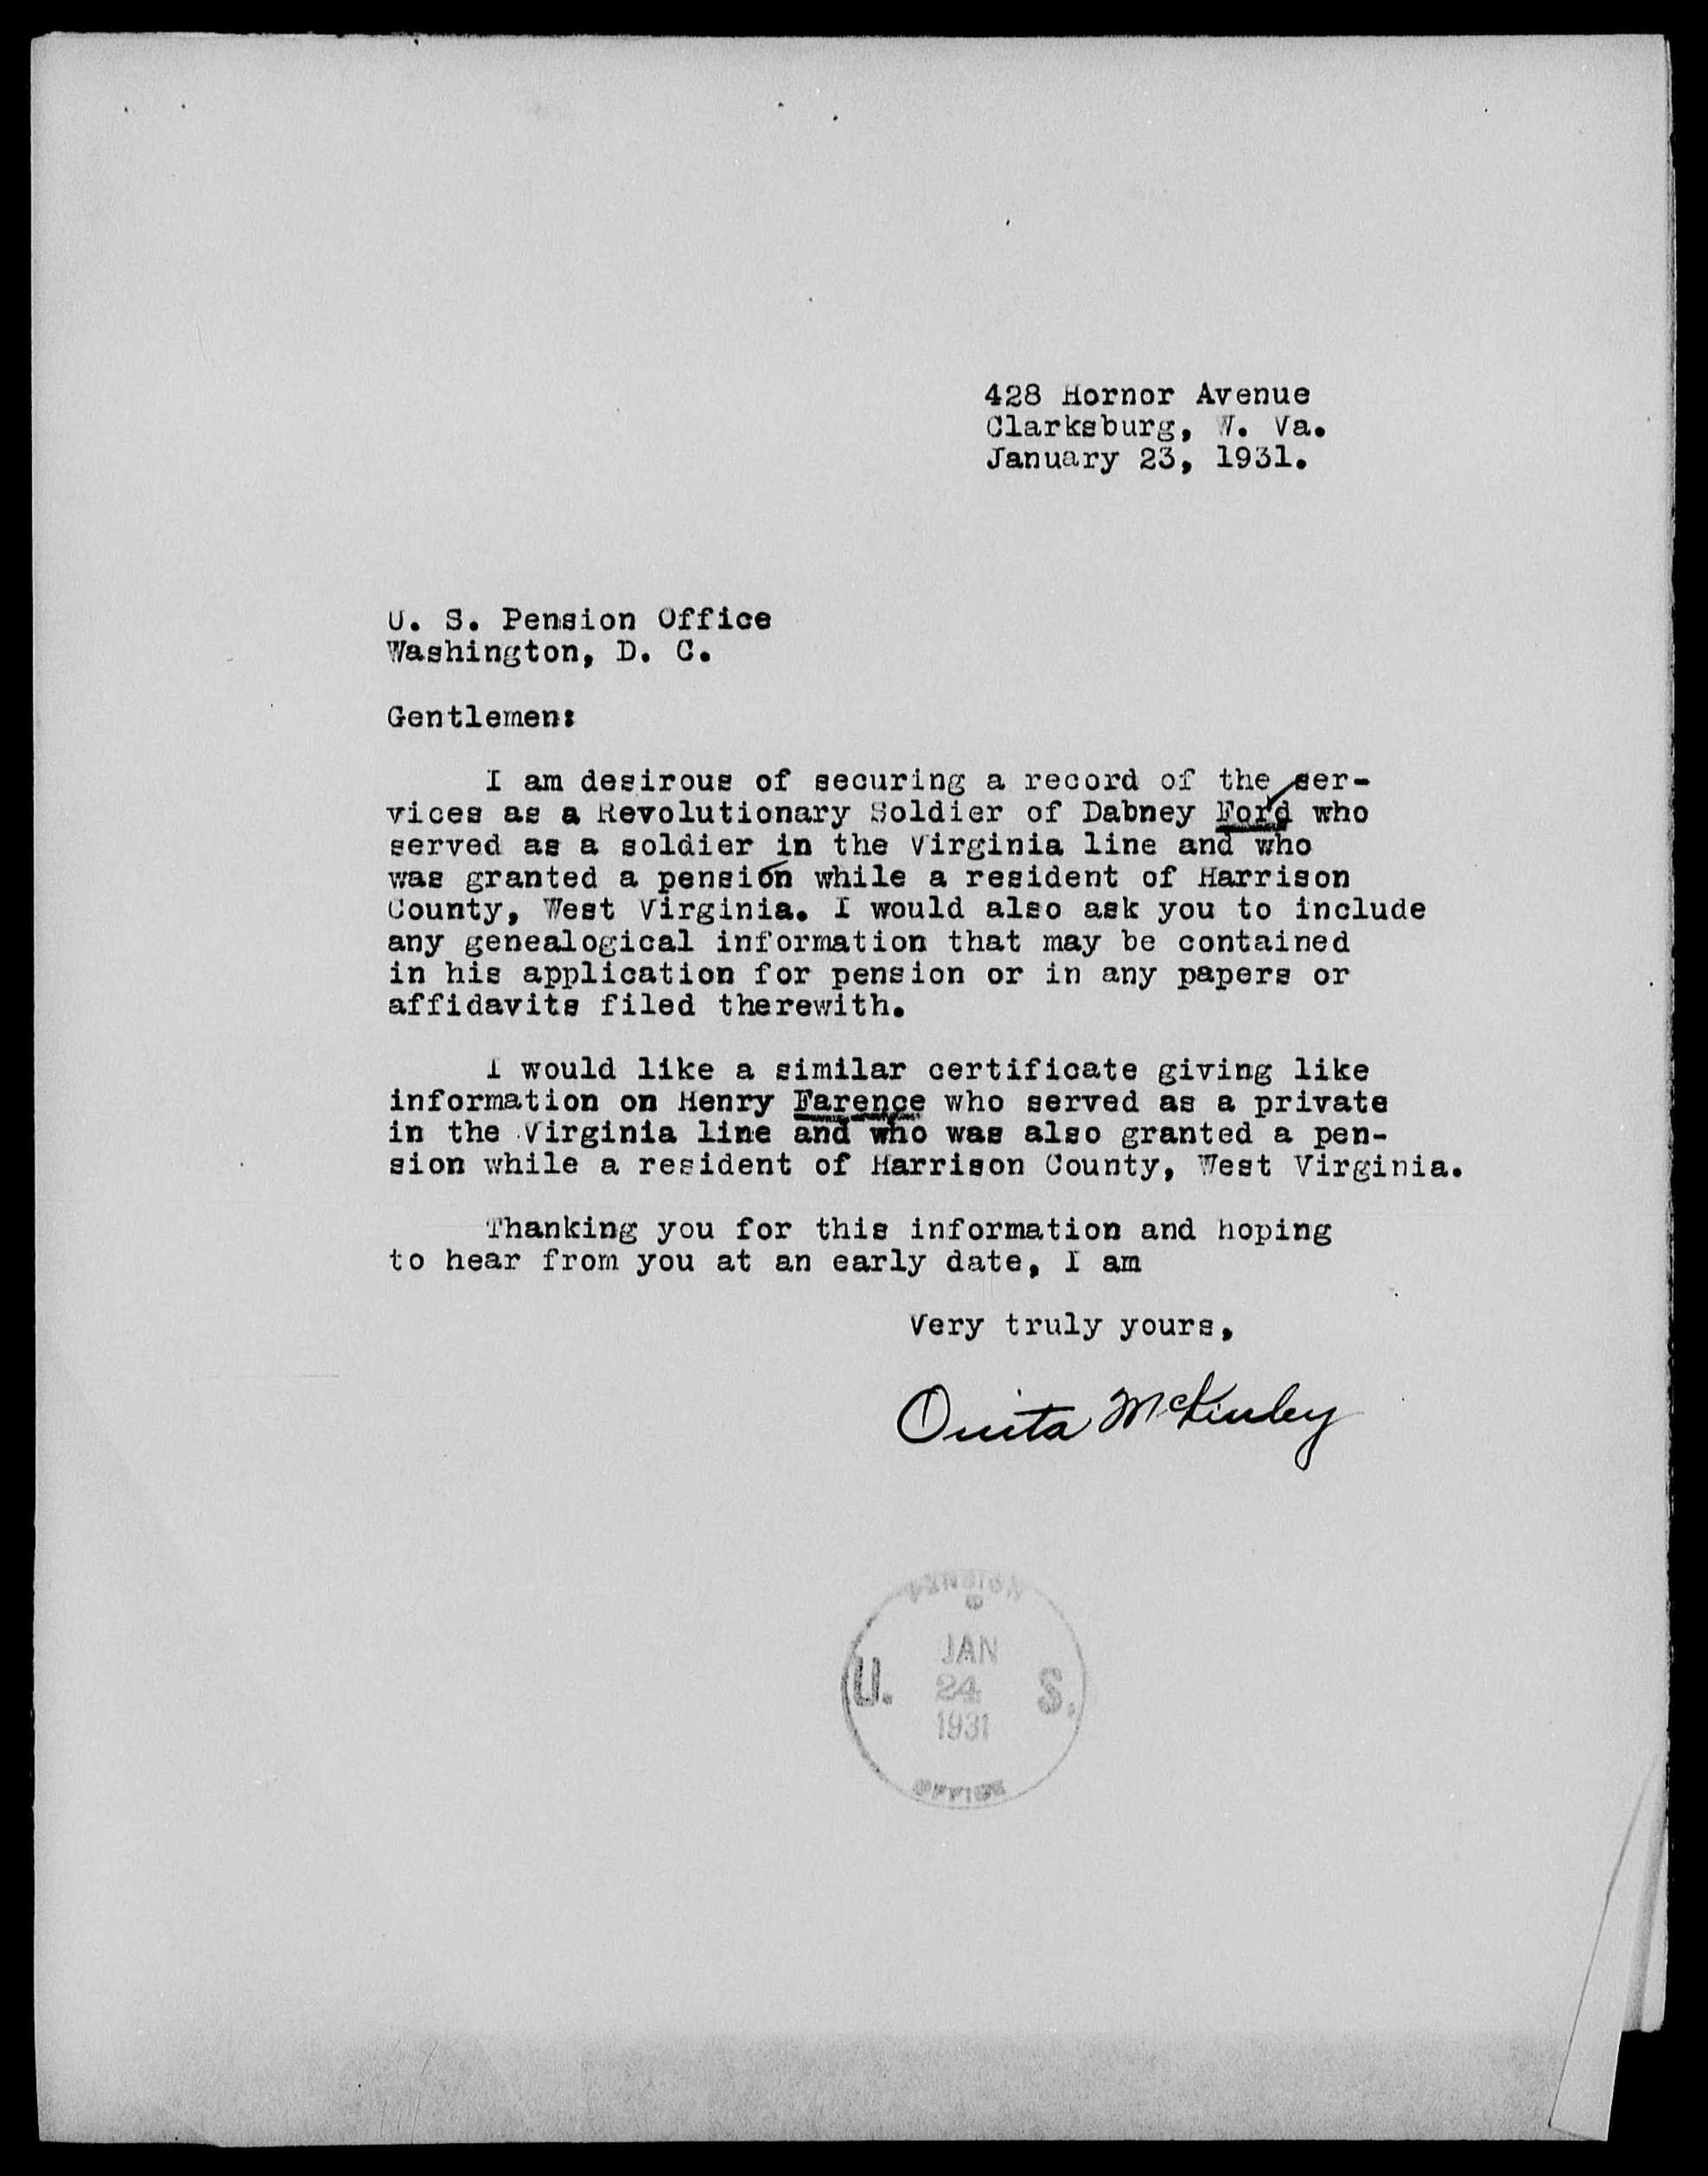428 Hornor Avenue
                                          Clarksburg, W. Va.
                                          January 23, 1931

U. S. Pension Office
Washington, D. C.

Gentlemen:

     I am desirous of securing a record of the services 
as a Revolutionary Soldier of Dabney Ford who
served as a soldier in the Virginia line and who
was granted a pension while a resident of Harrison
county, West Virginia.   I would also ask you to include
any genealogical information that may be contained in
his application for pension or in any papers or
affidavits filed therewith.

       I would like a similar certificate giving like
information on Henry Farence who served as a private
in the Virginia line and who was also granted a pension
while a resident of Harrison County, West Virginia.

       Thanking you for this information and hoping
to hear from you at an early date, I am

                                        Very truly yours,
                                         Ouita McKinley

[stamp indicating date received at pension office]
  PENSION OFFICE 
   U. S.
 JAN 24 1931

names: Henry Farence, Ouita Mc Kinley, Dabney Ford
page: 9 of 11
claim: survivor's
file: S. 39531, Dabney Ford, Va.